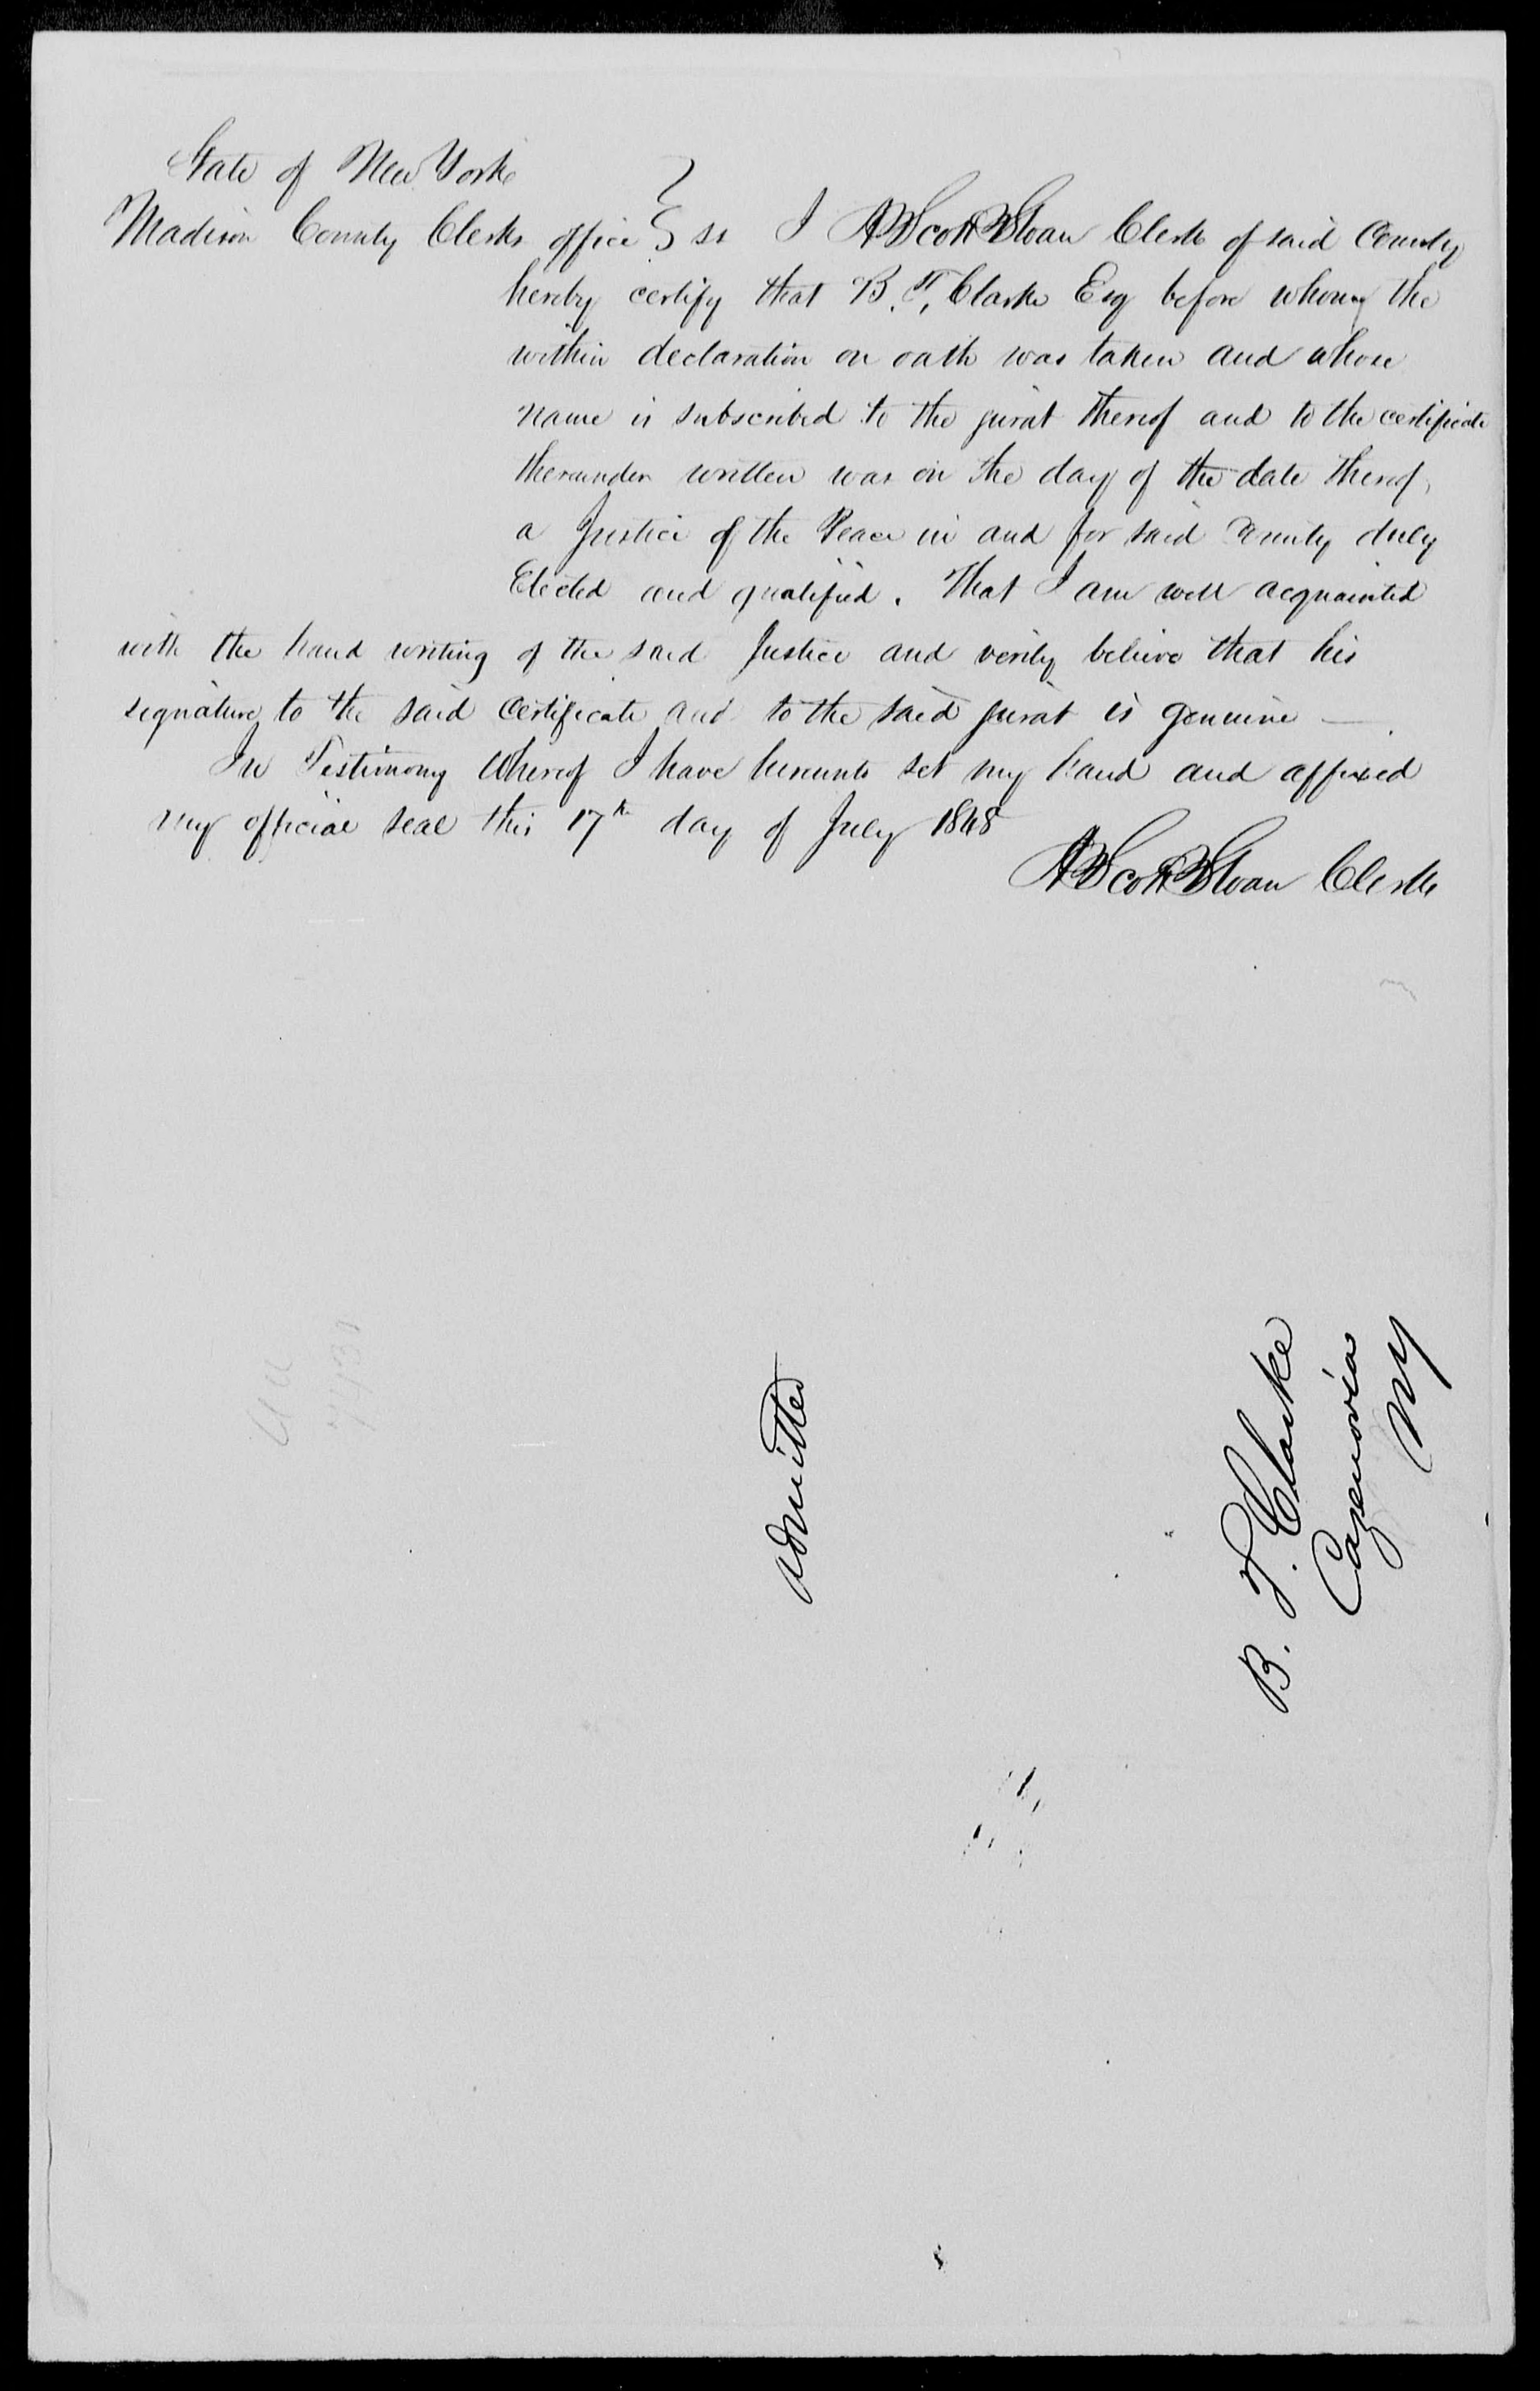State of New York Madison County Clerks office} ss  I A Scott Sloan Clerk of said County hereby certify that B. T.  Clarke Esq before whom the within declaration on oath was taken and whose name is subscribed to the jurat thereof and to the certificate thereunder written was on the day of the date thereof a Justice of the Peace in and for said County duly Elected and qualified. That I am well acquainted with the hand writing of the said Justice and verily believe that his signature to the said Certificate and to the said jurat is genuine --- 
In Testimony whereof I have hereunto set my hand and affixed my official seal this 17th day of July 1848 A. Scott Sloan Clerk 

[bottom of page vertical]
[turn page clockwise]
Admitted

B. T. Clarke
Cazenovia
NY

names: B T Clarke, B T Clarke, A Scott Sloan, A Scott Sloan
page: 60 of 74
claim: widow's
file: W. 23424, John Allen, Mass. R. I.